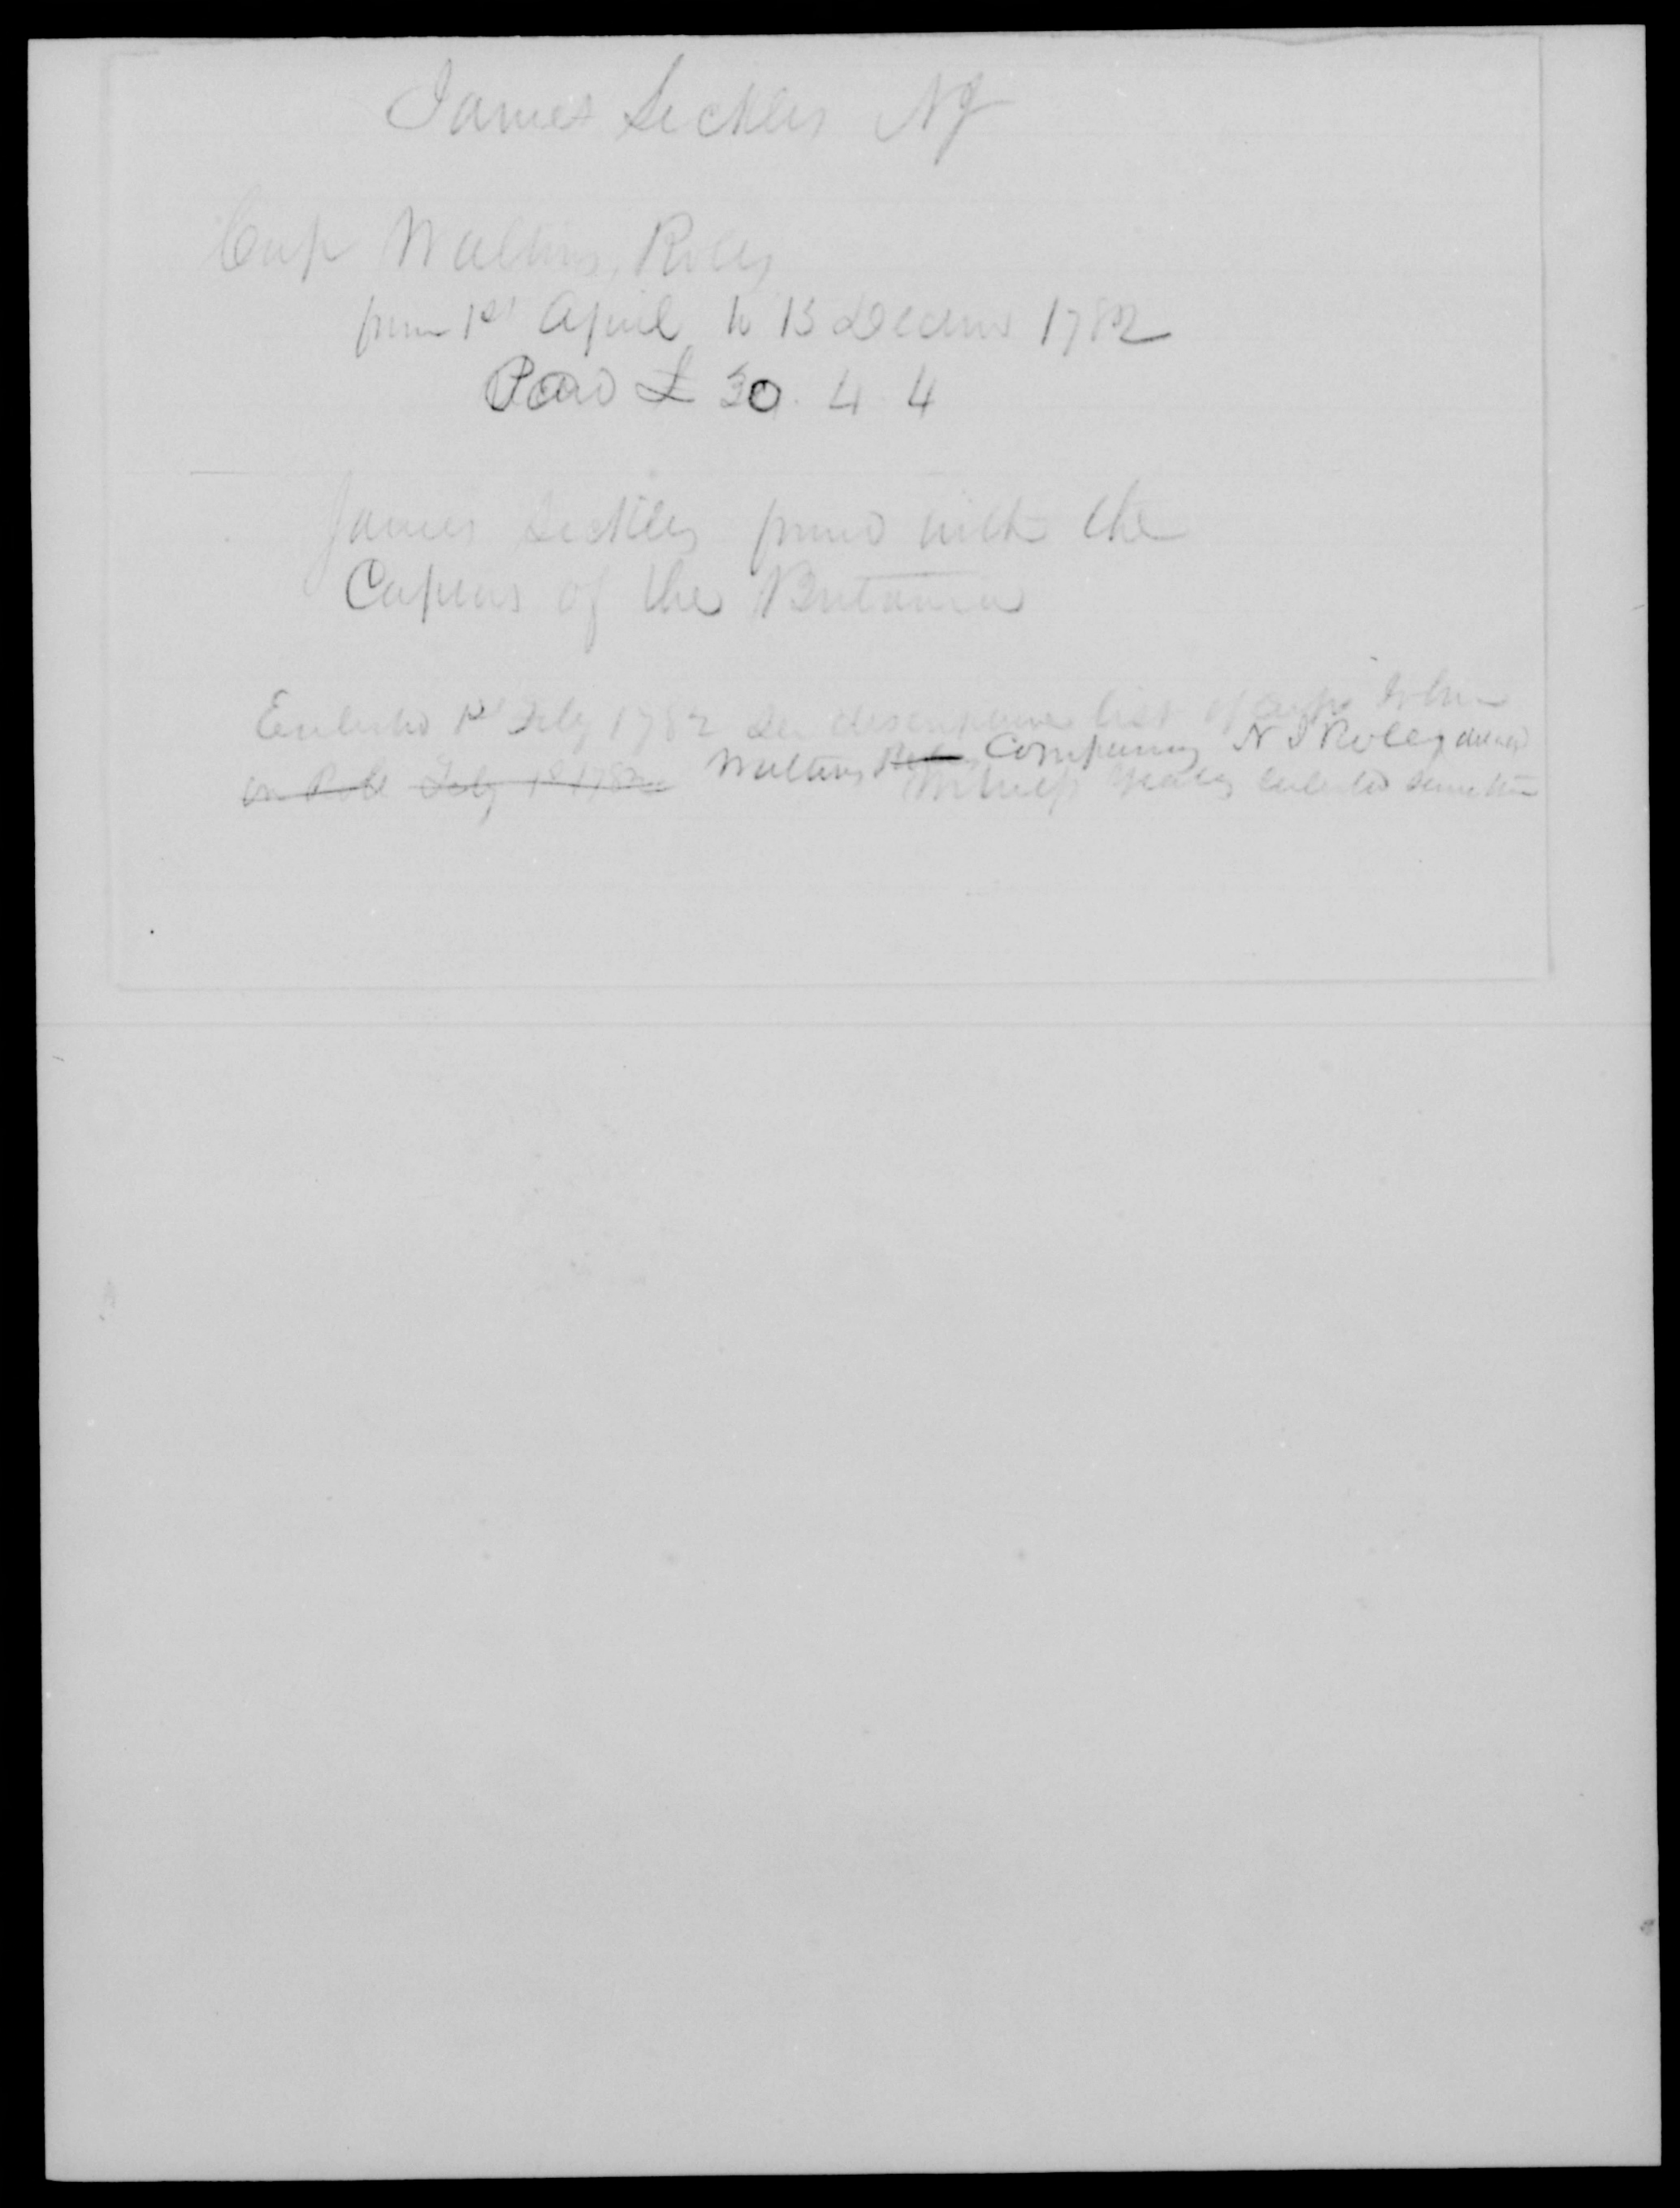James Sickles NJ
Cap Waltons Roll
from 1st April to 13 Decem 1782
[Illegible] L30 4 4
James Sickles [illegible] with the
C[illegible] of the Britania
Enlisted 1st Feby 1782 See descriptive list of Capt John Waltons Company N J Rolls [illegible]
Witness [illegible]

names: James Sickles; John Walton; James Sickles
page: 12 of 33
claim: survivor's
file: S. 4,841, for James Sickles, New Jersey